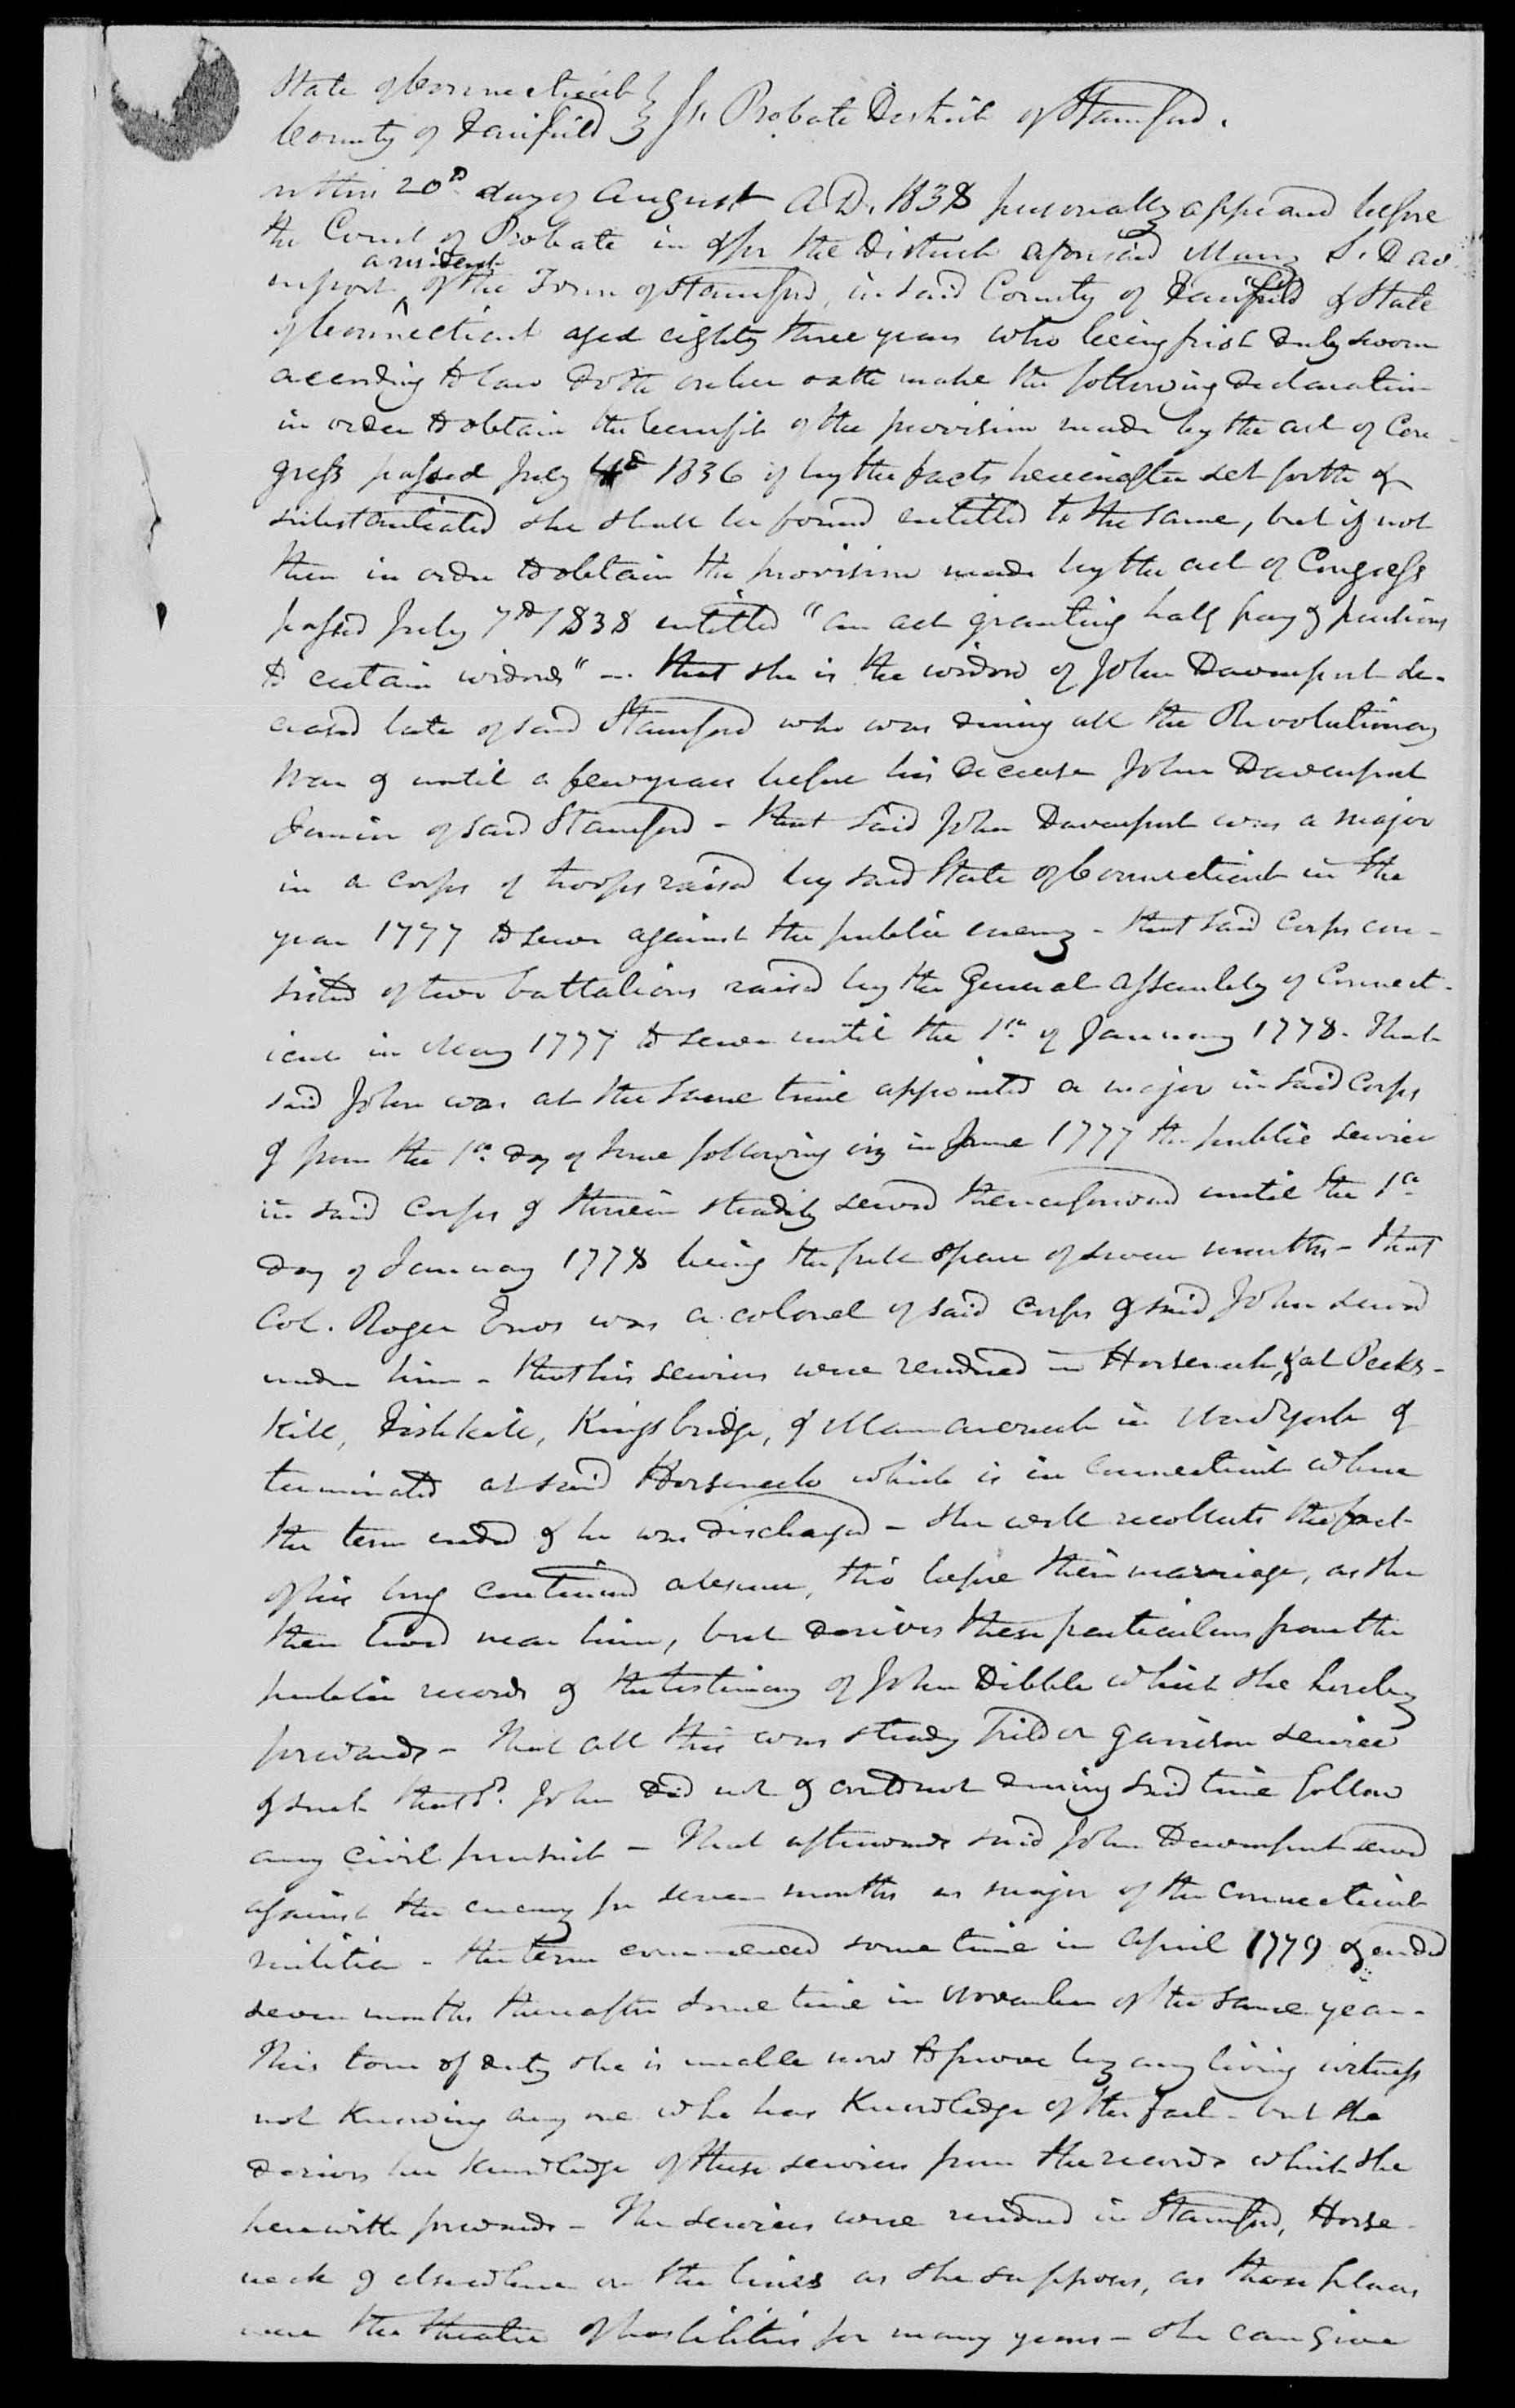State of Connecticut
County of Fairfield

Probate District of Stamford

on the 20th day of august A.D. 1838 personally appeared before the Court of Probate in the district aforesaid Mary S. Davenport a resident of the Town of Stamford in said County of Fairfield of State of Connecticut aged eighty three years who being first duly sworn according to law doth under oath make the following declaration in order to obtain the benefits of the provision made by the act of Congress passed July 4 1836 if by the facts hereinafter set forth & substantiated she shall be found entitled to the same, but if not then in order to obtain the provisions made by the act of Congress passed July 7th 1838 entitled "an act granting half pay of pensions to certain widows"--that she is the widow of John Davenport deceased late of said Stamford who was during all the revolution was & until a few years before his decease John Davenport Junior of said Stamford. that said John Davenport was a major in a corps of troops raised by said State of Connecticut in the year 1777 to serve against the public enemy. that said corps consisted of two battalions raised by the General Assembly of Connecticut in May 1777 to serve until the 1st of January 1778. That said John was at the same time appointed a major in said Corps & from the 1st day of June following viz in Jun 1777 the public service in said corps of [illegible] until the 1st day of January 1778 being the full span of seven months. that Col. Roger Enos was a colonel of said corps & said John served under him. And his services were rendered in [illegible] Peekskill, Fishkill, Kingsbridge, & Mamaroneck in New York & terminated around Horseneck which is in Connecticut where the term ended & he was discharged--she well recollects the fact of his long continuous absence, tho before their marriage, as she then lived near him, but derives these particulars from the public record of the testimony of John Dibble which she hereby forwards--[illegible] all this was steady Drill or garrison service of such [illegible] John did not & could not during said time follow any civil pursuit--[illegible] afterwards said John Davenport served against the enemy for seven months as major of the Connecticut militia--the term even included some time in April 1779 and seven months thereafter some time in November of the same year this tour of duty she is unable now to prove by any living witness not knowing any one who has knowledge of the fact--but she derives her knowledge of these services from the records which she herewith forwards --the services were rendered in Stamford, Horseneck & elsewhere on the lines as she supposes, as those places were [illegible] for many years--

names: John Davenport, John, Mary S Davenport, John Davenport, John Dibble, John Davenport, John Davenport, Roger Enos, John, John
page: 4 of 15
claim: widow's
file: W 17711, John Davenport, Conn.